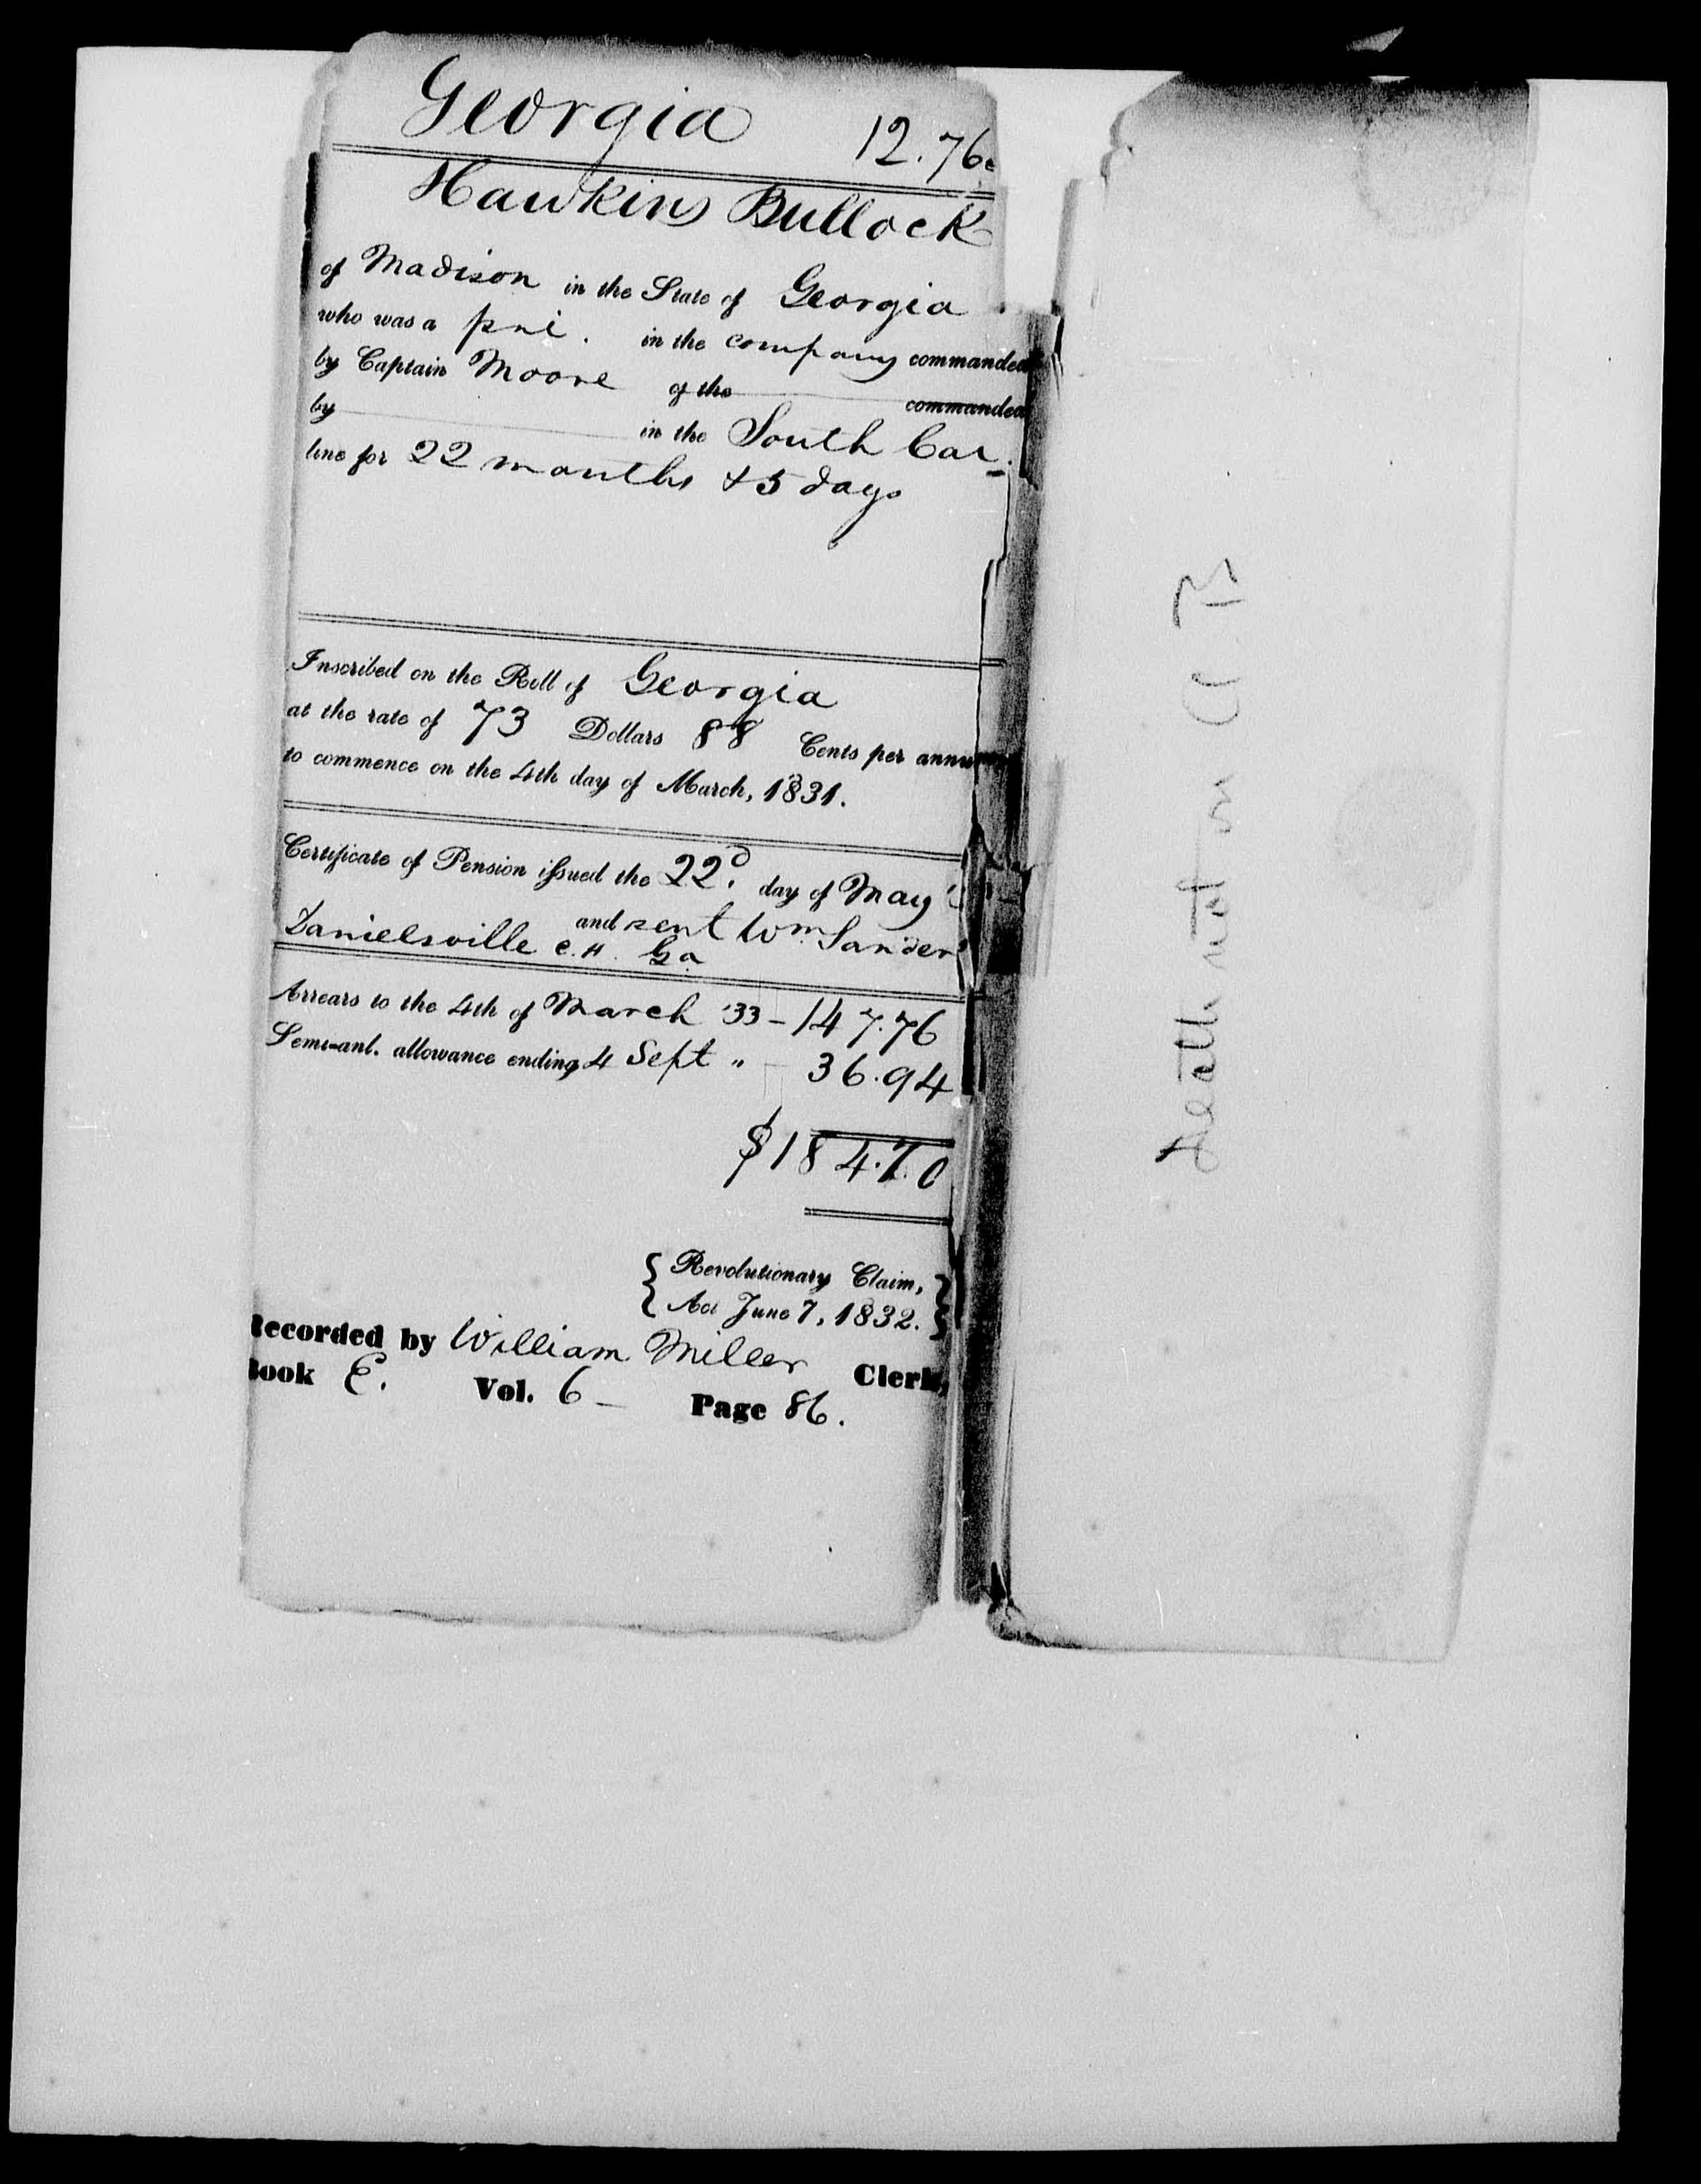Georgia 12.760
---
Hawkins Bullock of Madison in the State of Georgia who was a pri. in the company commanded by Captain Moore in the South Car. line for 22 months & 5 days
---
Inscribed on the Roll of Georgia at the rate of 73 Dollars 88 Cents per annum to commence on the 4th day of March, 1831
---
Certificate of Pension issued the 22d day of May and sent Wm. Sanders Danielsville C. H. Ga.
---
Arrears to the 4th of March '33 - 147.76
Semi-anl. allowance ending 4 Sept " - 36.94
[total] $184.70
{Revolutionary Claim, Act June 7, 1832.}
Recorded by William Miller Clerk
Book E. Vol. 6 Page 86.

[sideways print]
Death not on AB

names: William Miller, Wm Sanders, Hawkins Bullock, Moore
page: 2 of 24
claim: survivor's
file: S. 31,586, Hawkins Bullock, S.C.